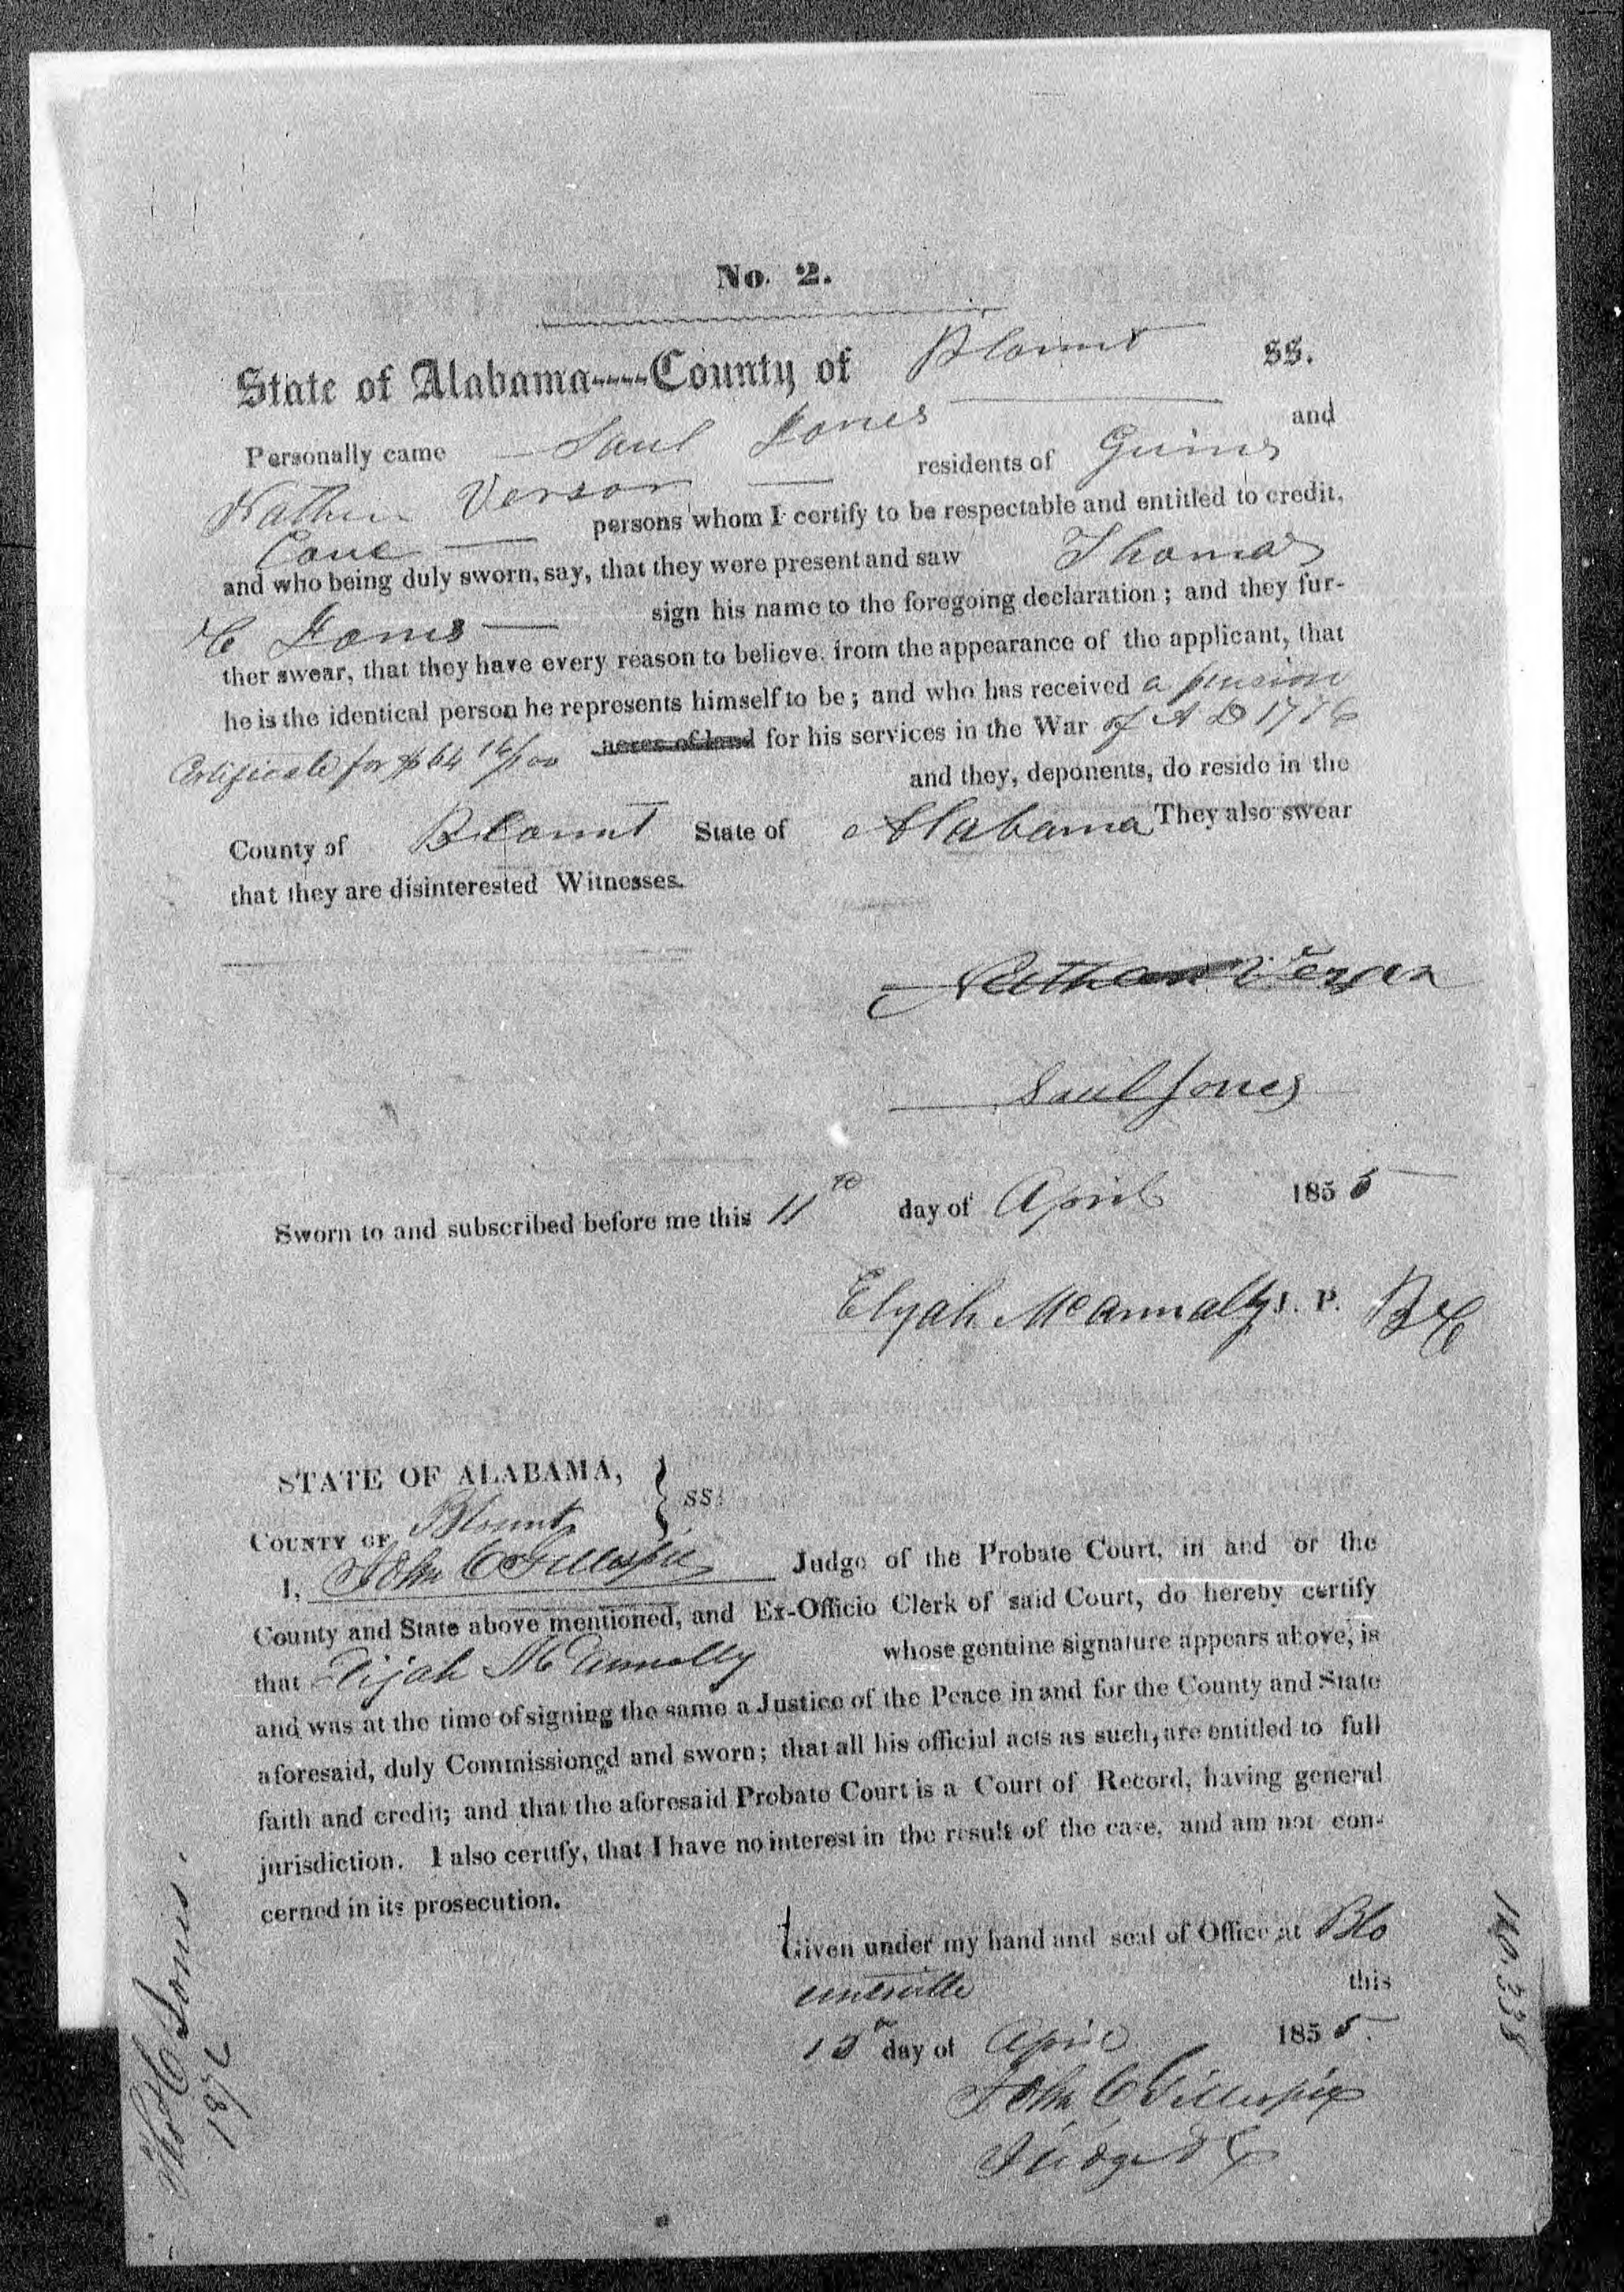No. 2
-------------------
State of Alabama --- County of Blount SS
Personally came Saul Jones and
Nathan Venson residents of Guinns
Cove persons whom I certify to be respectable and entitled to credit,
and who being duly sworn, say, that they were present and saw Thomas
C.  Jones sign his name to the foregoing declaration; and they further
swear, that they have every reason to believe from the appearance of the applicant, that
he is the identical person he represents himself to be; and who has received a pension
Certificate for $64.16 for his services in the War of A.D. 1776
County of Blount State of Alabama   They also swear
that they are disinterested Witnesses.
Nathan Venson
Saul Jones
Sworn to and subscribed before e this 11th day of April 1855
Elijah McAnnally J.P.
P.C.

STATE OF ALABAMA
County of Blount        SS
I, John C. Gillispie Judge of the Probate Court, in and of the 
County and State above mentioned, and Ex-Officio Clerk of said Court, do hereby certify
that Elijah McAnally whose genuine signature appears above, is
and was at the time of signing the same a Justice of the Peace in and for the County and State
aforesaid, duly Commissioned and sworn; that all his official acts as such, are entitled to full
faith and credit; and that the aforesaid Probate Court is a Court of Record, having general
jurisdiction.  I also certify, that I have no interest in the result of the case, and am not concerned 
in its prosecution.
Given under my hand and seal of Office at 
Blountsville this
12th day of April 1855
John C. Gillispie
Judge PC
[ left lower margin says "Thomas C. Jones 1876"]
[right lower margin "120.338]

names: Thomas C Jones; Saul Jones; John C Gillespie; Elijah Mcannally; Nathan Verson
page: 18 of 45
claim: widow's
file: W. 26160, for Thomas C Jones, Georgia